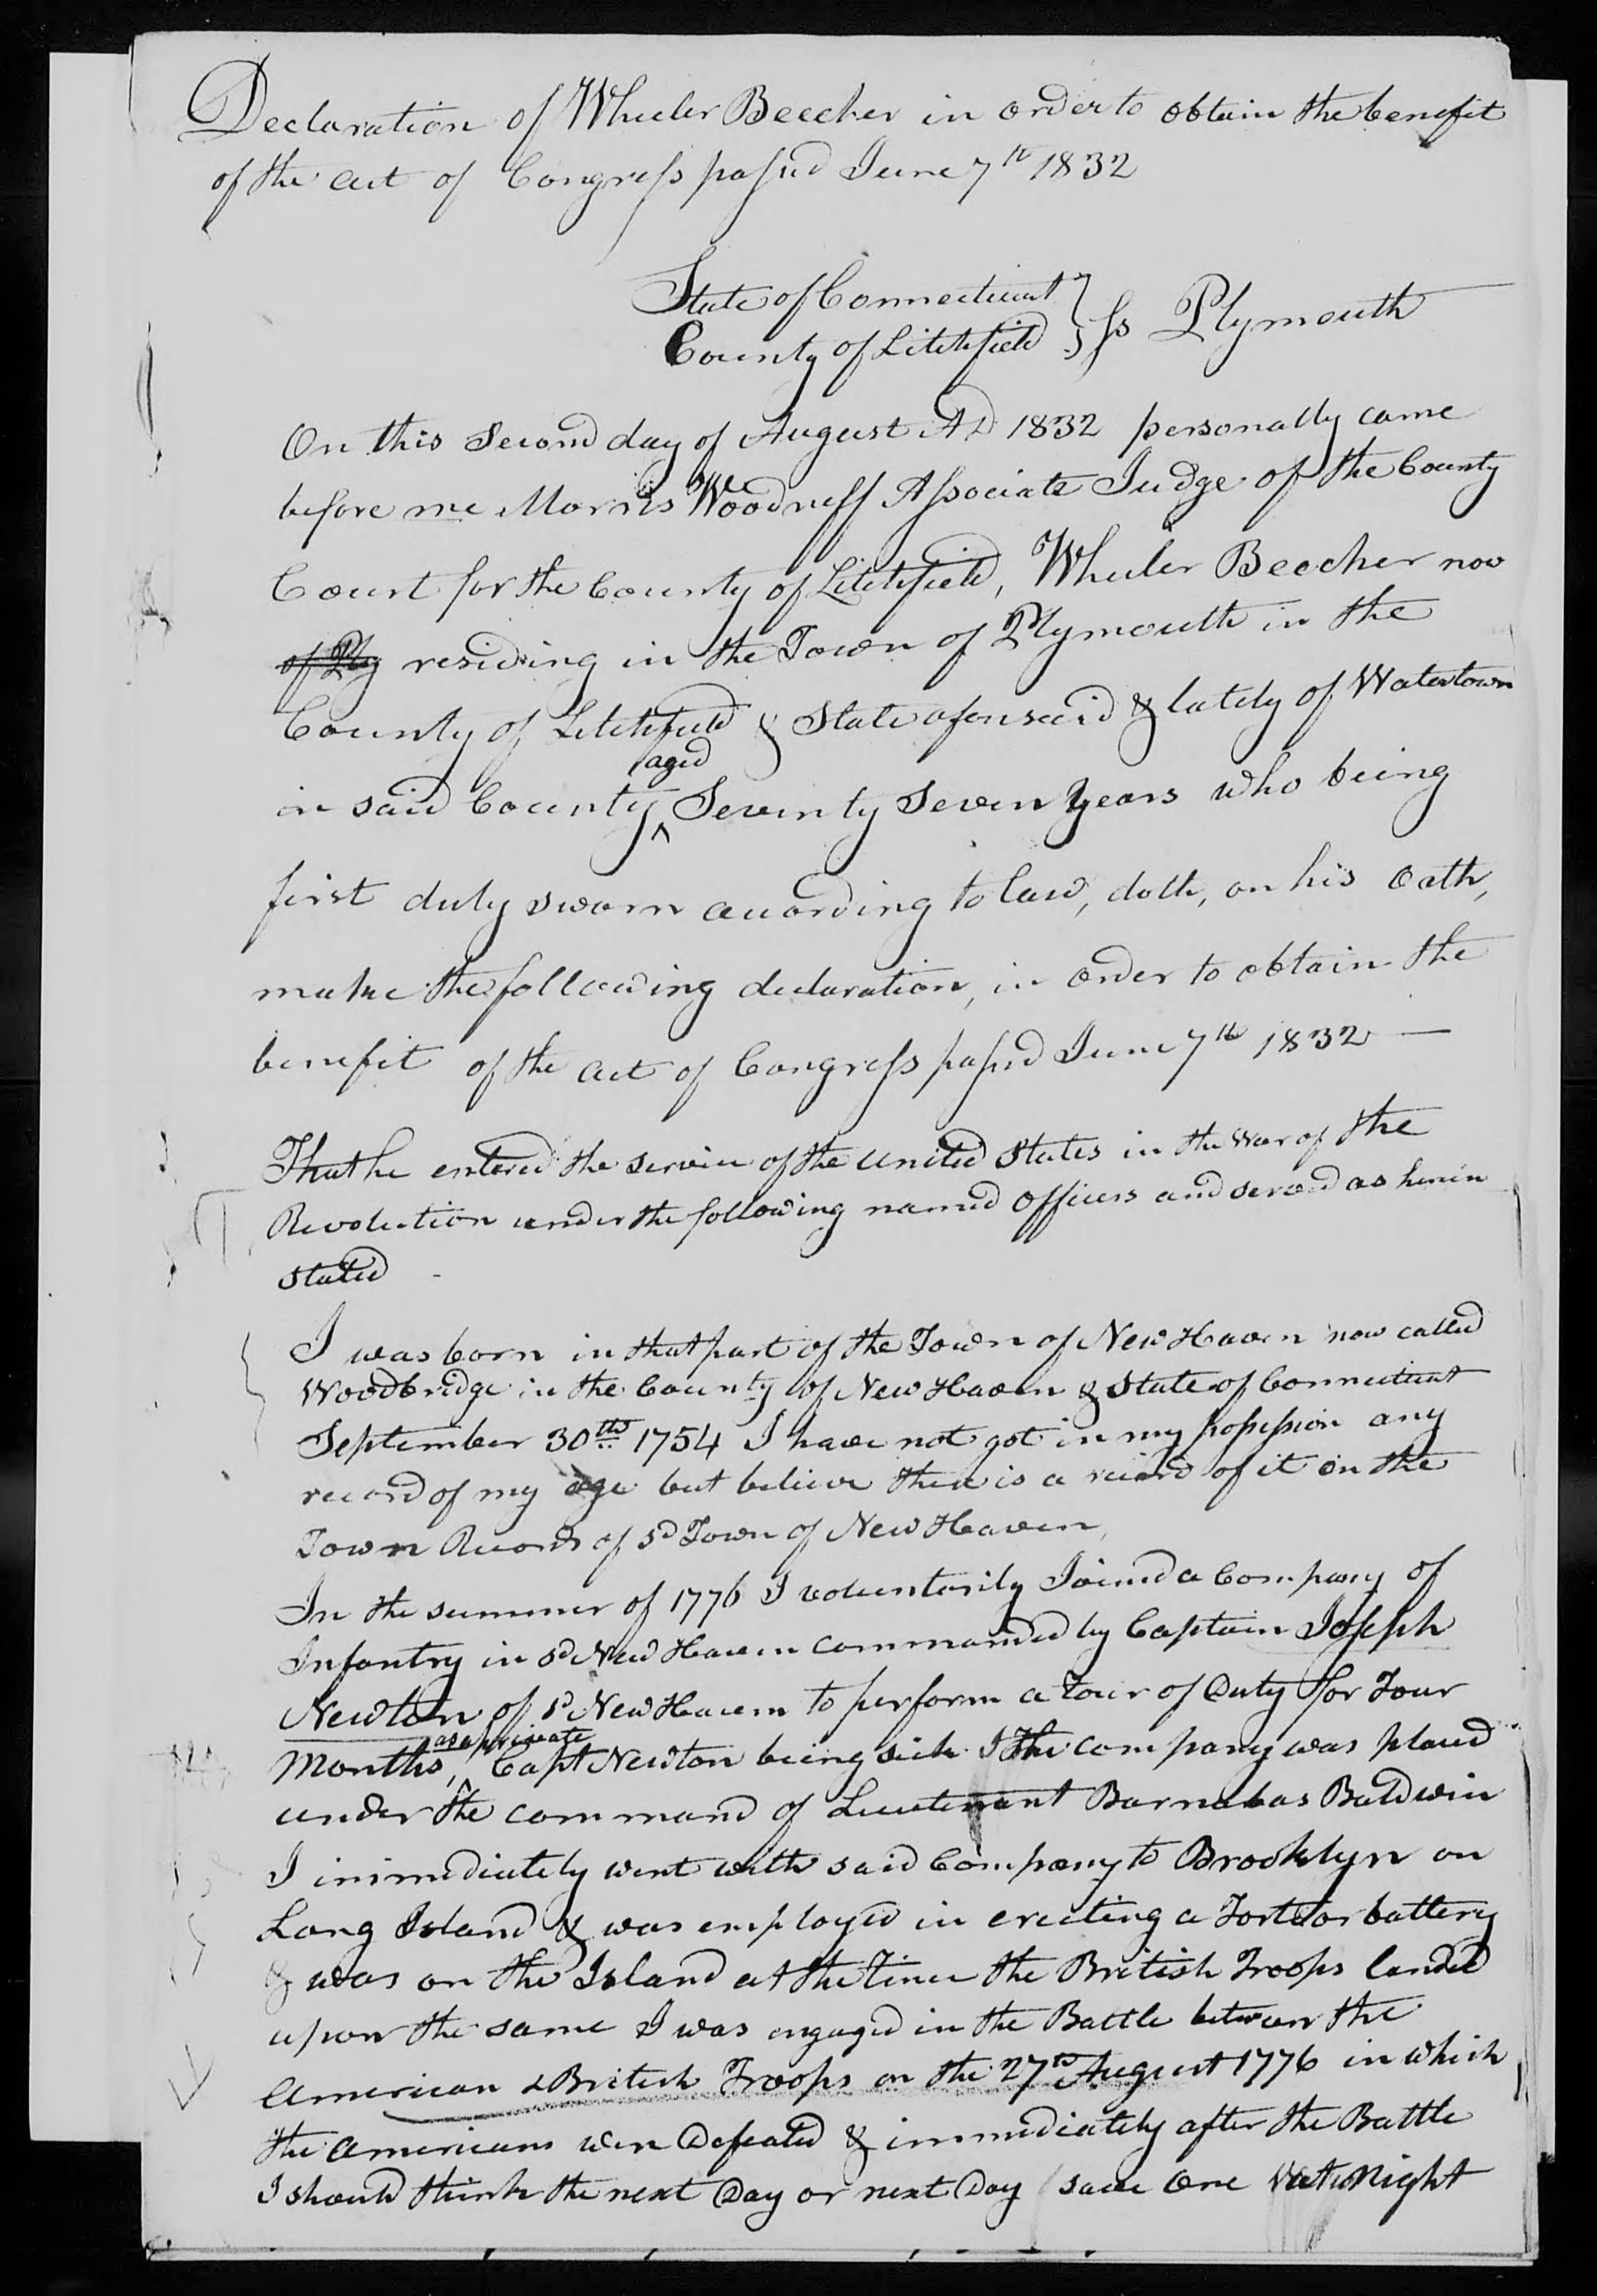Declaration of Wheeler Beecher in order to obtain the benefit of the act of Congress passed June 7th 1832
State of Connecticut
County of Litchfield } Ss. Plymouth
On this second day of August AD 1832 personally came before me Morris Woodruff Associate Judge of the County Court for the County of Litchfield, Wheeler Beecher now residing in the Town of Plymouth in the County of Litchfield & State aforesaid & lately of Watertown in said County aged Seventy Seven years who being first duly sworn according to law doth on his oath make the following declaration in order to obtain the benefit of the act of Congress passed June 7th 1832 -
I was born in that part of the Town of New Haven now called Woodbridge in the County of New Haven of State of Connecticut September 30th 1754 I have not got in my possession any record of my age but believe there is a record of it on the Town Records of s'd Town of New Haven
In the summer of 1776 I voluntarily Joined a company of Infantry in the s'd New Haven commanded by Captain Joseph Newton of s'd New Haven to perform a tour of duty for Four Months as a private, Capt Newton being sick The company was placed under the command of Lieutenant Barnabas Baldwin I immediately went with said company to Brooklyn on Long Island & was employed in erecting a Fort or battery & was on the Island at the time the British Troops landed upon the same I was engaged in the Battle between the American & British Troops on the 27th August 1776 in which the Americans were Defeated & immediately after the Battle I should think the next day or next Day save one that night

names: Joseph Newton, Newton, Barnabas Baldwin, Wheeler Beecher, Wheeler Beecher, Morris Woodruff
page: 3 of 21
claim: survivor's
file: S. 14943, Wheeler Beecher, Conn.